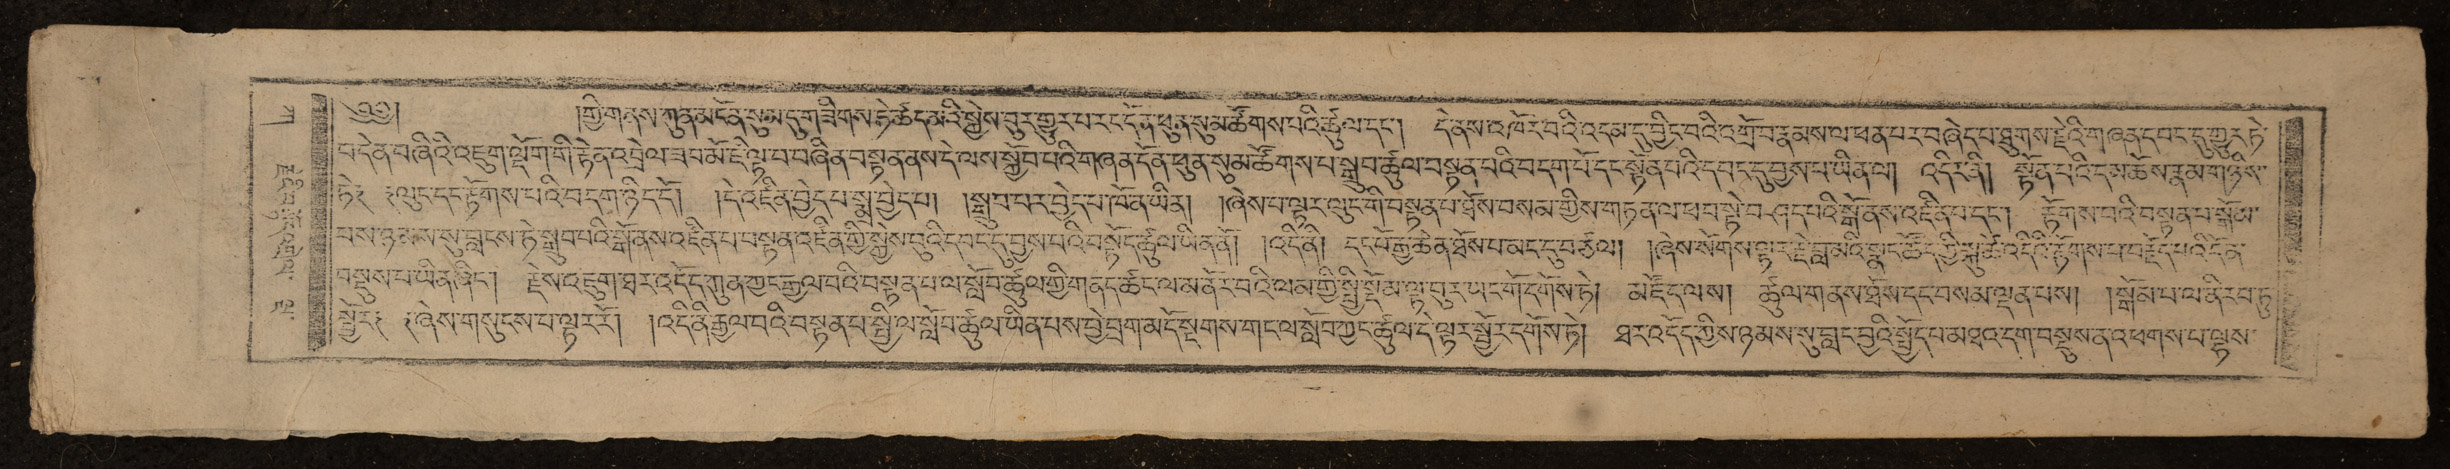༄༅། །གྱི་གནས་ཀུན་མངོན་སུམ་དུ་གཟིགས་ཏེ་ཚད་མའི་སྐྱེས་བུར་གྱུར་བ་རང་དོན་ཕུན་སུམ་ཚོགས་པའི་ཚུལ་དང་། དེ་ནས་འཁོར་བའི་འདམ་དུ་བྱིང་བའི་འགྲོ་བ་རྣམས་ལ་ཡན་བར་བཞེད་པ་ཐུགས་རྗེའི་གཞན་དབང་དུ་གྱུར་ཏེ་
བདེན་བཞིའི་འཇུག་ལྡོག་གི་རྟེན་འབྲེལ་ཟབ་མོ་ཇི་ལྟ་བ་བཞིན་བསྟན་ནས་དེ་ལས་སྐྱོབ་བའི་གཞན་དོན་ཕུན་སུམ་ཚོགས་བ་སྒྲུབ་ཚུལ་བསྟན་པའི་བདག་པོ་དང་སྟོན་པའི་དབང་དུ་བྱས་པ་ཡིན་ལ། འདིར་ནི། སྟོན་པའི་དམ་ཆོས་རྣམ་གཉིས་
ཏེ༑ ༑ལུང་དང་རྟོགས་པའི་བདག་ཉིད་དོ། །དེ་འཛིན་བྱེད་པ་སྨྲ་བྱེད་པ། །སྒྲུབ་པར་བྱེད་པ་ཁོ་ན་ཡིན། །ཞེས་པ་ལྟར་ལུང་གི་བསྟན་པ་ཐོས་བསམ་གྱིས་གཏན་ལ་ཕབ་སྟེ་བཤད་པའི་སྒོ་ནས་འཛིན་པ་དང་། །རྟོགས་པའི་བསྟན་པ་སྒོམ་
པས་ཉམས་སུ་བླངས་ཏེ་སྒྲུབ་པའི་སྒོ་ནས་འཛིན་པ་བསྟན་འཛིན་གྱི་སྐྱེས་བུའི་དབང་དུ་བྱས་པའི་བསྟོད་ཚུལ་ཡིན་ནོ། །འདི་ནི། དང་པོ་རྒྱ་ཆེན་ཐོས་པ་མང་དུ་བཙལ། །ཞེས་སོགས་ལྟར་རྗེ་བླ་མའི་སྣང་ཚོད་ཀྱི་སྐུ་ཚེ་འདིའི་རྟོགས་པ་བརྗོད་པའི་དོན་
བསྡུས་པ་ཡིན་ཞིང་། རྗེས་འཇུག་ཐར་འདོད་ཀུན་ཀྱང་རྒྱལ་བའི་བསྟན་པ་ལ་སློབ་ཚུལ་གྱི་གནད་ཚང་ལ་མ་ནོར་བའི་ལས་ཀྱི་སྤྱི་སྡོམ་ལྟ་བུར་ཡང་གོ་དགོས་ཏེ། མཛོད་ལས། ཚུལ་གནས་ཐོས་དང་བསམ་ལྡན་པས། །སྒོམ་པ་ལ་ནི་རབ་ཏུ་
སྦྱོར༑ ༑ཞེས་གསུངས་པ་ལྟར་རོ། །འདི་ནི་རྒྱལ་བའི་བསྟན་པ་སྤྱི་ལ་སློབ་ཚུལ་ཡིན་པས་བྱེ་བྲག་མདོ་སྔགས་གང་ལ་སློབ་ཀྱང་ཚུལ་དེ་ལྟར་སྦྱོར་དགོས་ཏེ། ཐར་འདོད་ཀྱིས་ཉམས་སུ་བླང་བྱའི་སྤྱོད་པ་མཐའ་དག་བསྡུས་ན་འཕགས་བ་ལྷས་